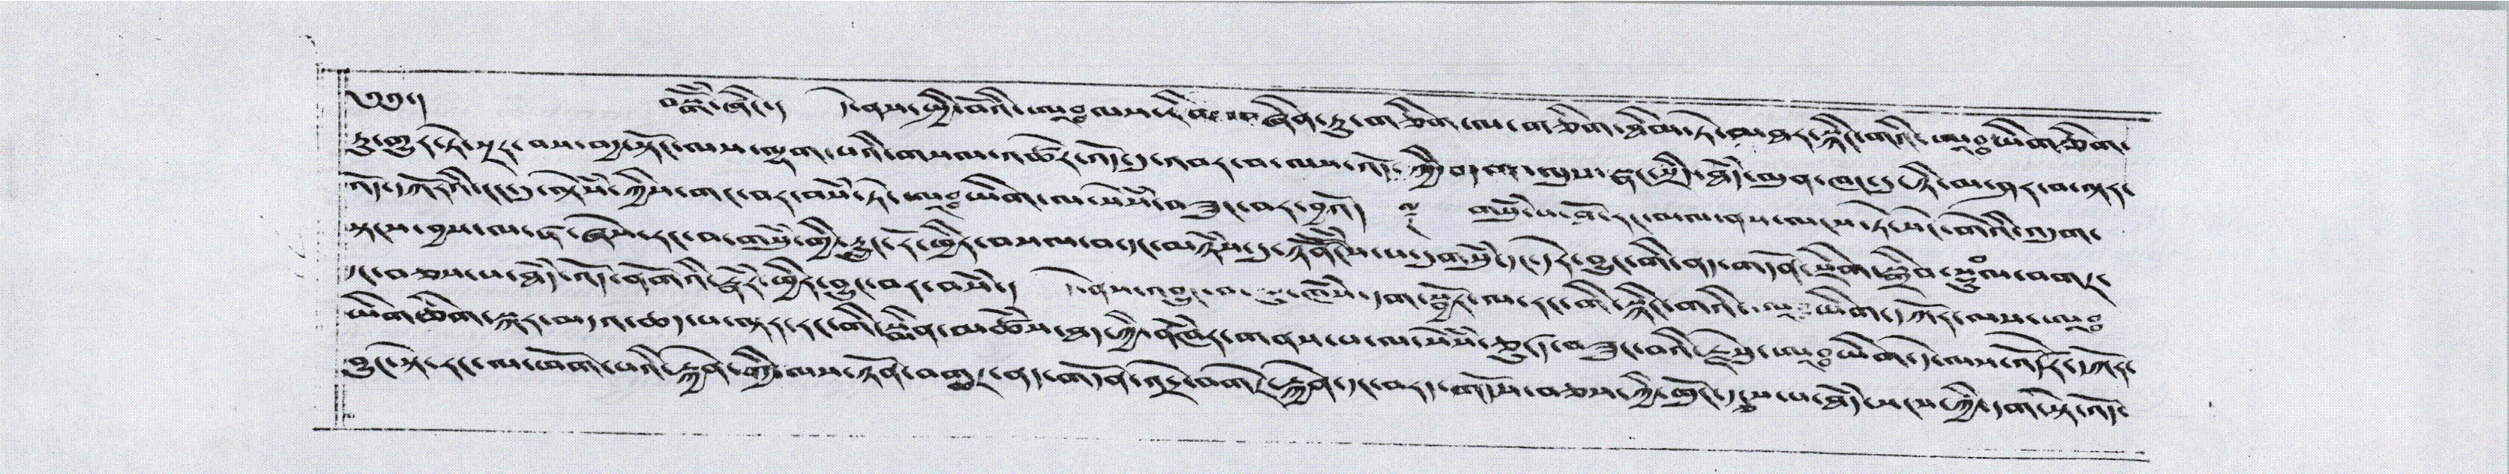བསྒོམ་ཞིང་། དེ་ནས་སྤྱི་བོིའི་ཨཱཿལས་རིམ་བཞིན་དུ་གཅིག་ལ་གཅིག་ཐིམ་སྟེ། མཐར་སྙིང་གའི་ཨཱཿཡིག་གཅིག་
ཏུ་གྱུར་ཏེ་སྔར་བས་བརྒྱ་སྟོང་ལས་ལྷག་པའི་གསལ་འཚེར་འོད་དུ་འབར་བ་ལས་འོད་ཀྱིས་བདག་ལུས་སྣང་སྲིད་ཐམས་ཅད་མུན་ཁང་དུ་ཉི་མ་ཤར་བ་ལྟར་
འོད་དཀར་པོའི་ངང་དུ་ལྟེམས་ཀྱིས་གང་བར་བསམ་སྟེ། ཨཱཿཡིག་ལ་སེམས་བཟུང་བར་བྱའོ། གསུམ་པ་ཐོ་རངས་མལ་ནས་ལངས་ཏེ་སེང་གེའི་འདུག་
སྟངས་བྱས་ལ། ཧ་ཞེས་རིང་བ་གསུམ་གྱིས་རླུང་རོ་ཕྱིར་བསང་བ་དང་མཉམ་དུ་ཉོན་མོངས་པ་དུག་གསུམ་དང་དེར་བྱུང་གི་ནད་གདོན་སྡིག་སྒྲིབ་སྡུག་བསྔལ་བག་ཆགས་
དང་བཅས་པ་ཐམས་ཅད་འོད་ནག་པོའི་རྣམ་པར་ཕྱིར་བྱུང་བར་བསམ། དེ་ནས་འབྱུང་བ་ཆུ་ཁམས་དག་སྦྱོར་ལ་རང་གི་སྙིང་གའི་ཨཱཿཡིག་དཀར་པོ་ལས་ཨཱཿ
ཡིག་གཅིག་སྐར་མདའ་ཆད་པ་ལྟར་རང་གི་སྨིན་མཚམས་ཐད་ཀྱི་ནམ་མཁར་གནས་པ་ལ་སེམས་ཅུང་ཟད་བཟུང་བའི་རྗེས་སུ་ཨཱཿཡིག་དེ་ལས་འོད་ཟེར་དཀར་པོ་
བྱུང་སྟེ། རང་ལ་ཕོག་པའི་རྐྱེན་གྱིས་ལས་ཉོན་བག་ཆགས་ནད་གདོན་འདྲེ་བགེགས་རྐྱེན་དང་བར་ཆད་གདོས་བཅས་ཀྱི་ཕུང་པོ་དང་བཅས་པ་ཐམས་ཅད་སངས་ཀྱིས་དག་སྟེ་འོད་